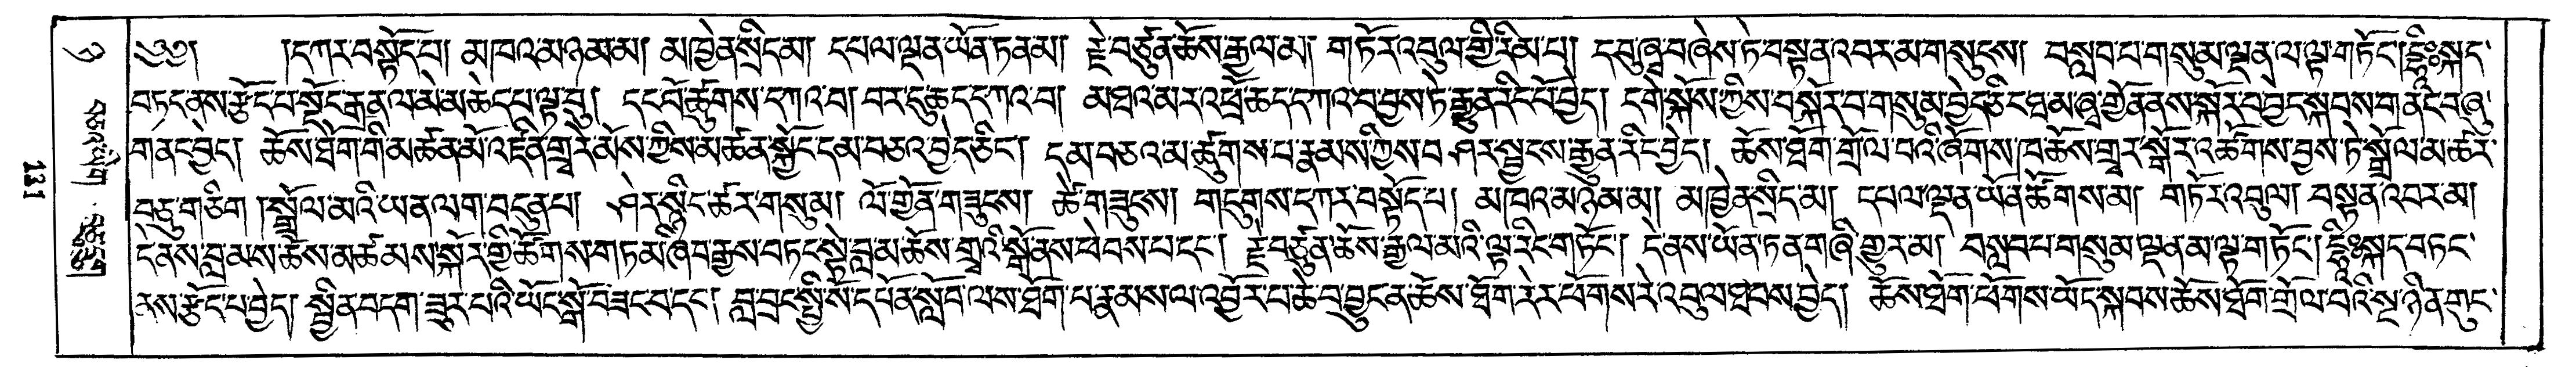༄༅། །དཀར་བསྟོད་པ། མཁའ་མཉམ་མ། མཁྱེན་སྲིད་མ། དཔལ་ལྡན་ཡོན་ཏན་མ། རྗེ་བཙུན་ཆོས་རྒྱལ་མ། གཏོར་འབུལ་གྱི་རིམ་པ། དབུ་ཞྭ་བཞེས་ཏེ་བསྟན་འབར་མ་གསུངས། བསླབ་པ་གསུམ་ལྡན་ལ་ལྟ་གཏོང་།དྷཱིཿསྐད་
བཏང་ནས་རྩོད་པ་སྡོང་རྒན་ལ་མེ་མཆེད་པ་ལྟ་བུ། དང་པོ་ཚུགས་དཀའ་བ། བར་དུ་ཆད་དཀའ་བ། མཐའ་མར་འཕྲོ་ཆད་དཀའ་བ་བྱས་ཏེ་རྒྱུན་རིང་པོ་བྱེད། དགེ་སྐོས་ཀྱིས་བསྐོར་བ་གསུམ་བྱེད་ཅིང་ཐམ་ཞྭ་གྱོན་ནས་སྐོར་བ་བྱེད་སྐབས་གནང་བ་ཞུ་
གནང་བྱེད། ཆོས་ཐོག་གི་མཚན་མོ་འཛིན་གྲྭ་རེ་མོས་ཀྱིས་མཚན་སྐྱོང་དམ་བཅའ་བྱེད་ཅིང་། དམ་བཅའ་མ་ཚུགས་པ་རྣམས་ཀྱིས་བཤར་སྦྱངས་རྒྱུན་རིང་བྱེད། ཆོས་ཐོག་གྲོལ་བའི་ཞོགས་ཁ་ཆོས་གྲྭར་སྒོར་འཚོགས་བྱས་ཏེ་སྒྲོལ་མ་ཚར་
བཅུ་གཅིག །སྒྲོལ་མའི་ཡན་ལག་བདུན་པ། ཤེར་སྙིང་ཚར་གསུམ། ལོ་གྱོན་གཟུངས། ཚེ་གཟུངས། གདུགས་དཀར་བསྟོད་པ། མཁའ་མཉམ་མ། མཁྱེན་སྲིད་མ། དཔལ་ལྡན་ཡོན་ཚོགས་མ། གཏོར་འབུལ། བསྟན་འབར་མ།
དེ་ནས་བླ་མས་ཆོས་མཚམས་སྐོར་གྱི་ཚོགས་གཏམ་ཞིབ་རྒྱས་བཏང་སྟེ་བླ་མ་ཆོས་གྲྭའི་སྒོ་ནས་ཕེབས་པ་དང་། རྗེ་བཙུན་ཆོས་རྒྱལ་མའི་ལྟ་རིང་གཏོང་། དེ་ནས་ཡོན་ཏན་གཞི་གྱུར་མ། བསླབ་པ་གསུམ་ལྡན་མ་ལྟ་གཏོང་། དྷཱིཿསྐད་བཏང་
ནས་རྩོད་པ་བྱེད། སྦྱིན་བདག་ཟུར་པའི་ཡོང་སྒོ་བཟང་བ་དང་། བླ་བྲང་སྤྱི་སོ་དཔོན་སློབ་ལས་ཐོག་པ་རྣམས་ལ་འབྱོར་བ་ཆེ་བ་བྱུང་ན་ཆོས་ཐོག་རེར་ཕོགས་རེ་འབུལ་ཐབས་བྱེད། ཆོས་ཐོག་ཕོགས་ཡོད་སྐབས་ཆོས་ཐོག་གྲོལ་བའི་སྔ་ཉིན་གུང་